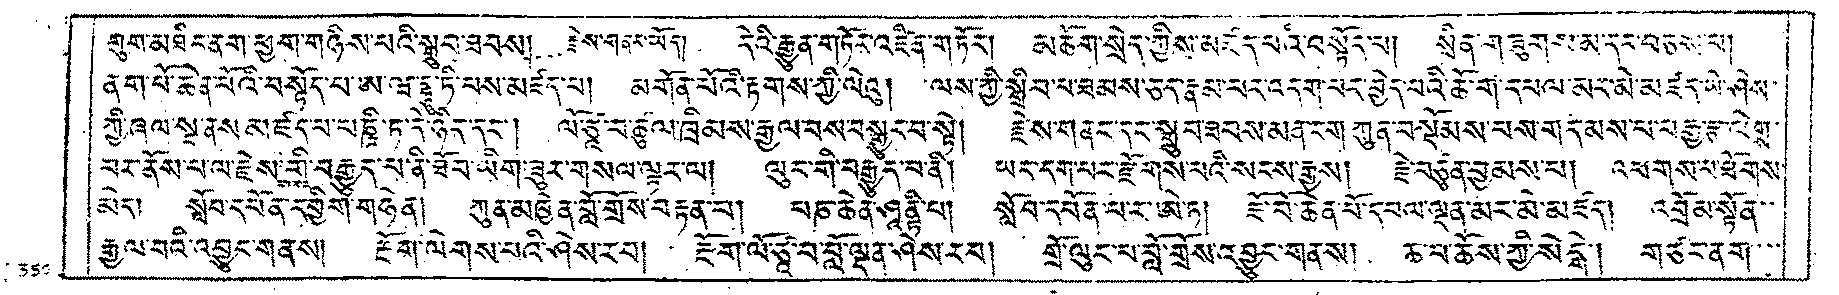གུག་མཐིང་ནག་ཕྱག་གཉིས་པའི་སྒྲུབ་ཐབས། རྗེས་གནང་ཡོད།  དེའི་རྒྱུན་གཏོར་འཛིན་གཏོར། མཆོག་སྲེད་ཀྱིས་མཛད་པའི་བསྟོད་པ། སྲིན་གཟུགས་མ་དང་བཅས་པ།
ནག་པོ་ཆེན་པོའི་བསྟོད་པ་ཨ་ཝ་དྷཱུ་ཏི་པས་མཛད་པ། མགོན་པོའི་རྟགས་ཀྱི་ལེའུ། ལས་ཀྱི་སྒྲིབ་པ་ཐམས་ཅད་རྣམ་པར་འདག་པར་བྱེད་པའི་ཆོ་ག་དཔལ་མར་མེ་མཛད་ཡེ་ཤེས་
ཀྱི་ཞལ་སྔ་ནས་མཛད་པ་པཎྜི་ཏ་དེ་ཉིད་དང་། ལོ་ཙཱ་བ་ཚུལ་ཁྲིམས་རྒྱལ་བས་བསྒྱུར་བ་སྟེ། རྗེས་གནང་དང་སྒྲུབ་ཐབས་མན་ངག་ཀུན་བསྡོམས་པས་གདམས་པ་བརྒྱ་རྩ་ལེགས་
པར་ནོས་པ་ལ་རྗེས་གནང་གི་བརྒྱུད་པ་ནི་ཐོབ་ཡིག་ཟུར་གསལ་ལྟར་ལ། ལུང་གི་བརྒྱུད་པ་ནི། ཡང་དག་པར་རྫོགས་པའི་སངས་རྒྱས། རྗེ་བཙུན་བྱམས་པ། འཕགས་པ་ཐོགས་
མེད། སློབ་དཔོན་དབྱིག་གཉེན། ཀུན་མཁྱེན་བློ་གྲོས་བརྟན་པ། པཎ་ཆེན་ཤཱནྟི་པ། སློབ་དཔོན་པ་ར་ཨེ་ཏ། ཇོ་བོ་ཆེན་པོ་དཔལ་ལྡན་མར་མེ་མཛད། འབྲོམ་སྟོན་
རྒྱལ་བའི་འབྱུང་གནས། རྔོག་ལེགས་པའི་ཤེས་རབ། རྔོག་ལོ་ཙཱ་བ་བློ་ལྡན་ཤེས་རབ། གྲོ་ལུང་པ་བློ་གྲོས་འབྱུང་གནས། ཆ་པ་ཆོས་ཀྱི་སེངྒེ། གཙང་ནག་